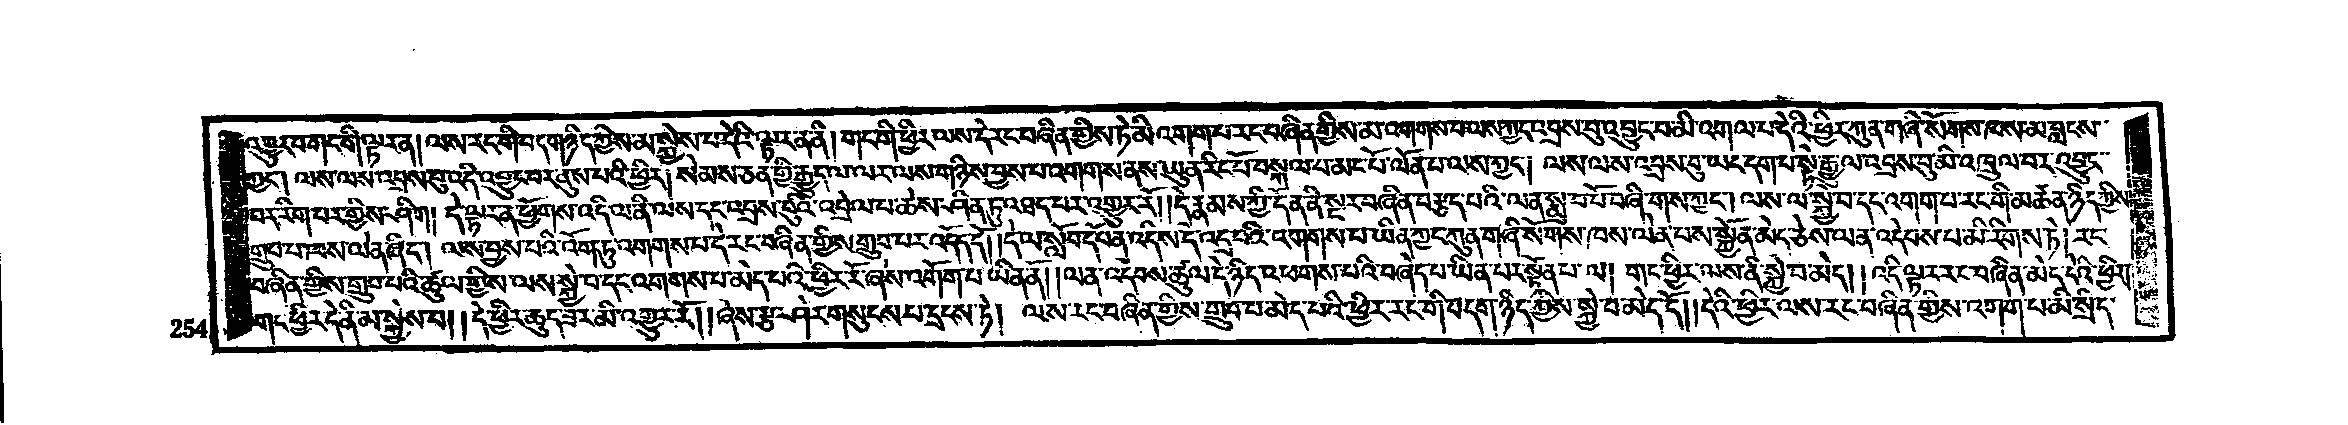འགྱུར་བ་གང་གི་ལྟར་ན། ལས་རང་གི་བདག་ཉིད་ཀྱིས་མ་སྐྱེས་པ་དེའི་ལྟར་ན་ནི། གང་གི་ཕྱིར་ལས་དེ་རང་བཞིན་གྱིས་ཏེ་མི་འགག་པ་རང་བཞིན་གྱིས་མ་འགགས་པ་ལས་ཀྱང་འབྲས་བུ་འབྱུང་བ་མི་འགལ་བ་དེའི་ཕྱིར་ཀུན་གཞི་སོགས་ཁས་མ་བླངས་
ཀྱང་། ལས་ལས་འབྲས་བུ་འདི་འབྱུང་བར་ནུས་པའི་ཕྱིར། སེམས་ཅན་གྱི་རྒྱུད་ལ་ལར་ལས་གཉིས་བྱས་པ་འགགས་ནས་ཡུན་རིང་པོ་བསྐལ་པ་མང་པོ་ལོན་པ་ལས་ཀྱང་། ལས་ལས་འབྲས་བུ་ཡང་དག་པ་སྟེ་རྒྱུ་ལ་འབྲས་བུ་མི་འཁྲུལ་བར་འབྱུང་
བར་རིག་པར་གྱིས་ཤིག །དེ་ལྟར་ན་ཕྱོགས་འདི་ལ་ནི་ལས་དང་འབྲས་བུའི་འབྲེལ་པ་ཆེས་ཤིན་ཏུ་འཐད་པར་འགྱུར་རོ། །དེ་རྣམས་ཀྱི་དོན་ནི་སྔར་བཞིན་བརྩད་པའི་ལན་སྨྲ་བ་པོ་བཞི་གས་ཀྱང་། ལས་ལ་སྐྱེ་བ་དང་འགག་པ་རང་གི་མཚན་ཉིད་ཀྱིས་
གྲུབ་པ་ཁས་ལེན་ཞིང་། ལས་བྱས་པའི་འོག་ཏུ་འགགས་པ་དེ་རང་བཞིན་གྱིས་གྲུབ་པར་འདོད་དོ། །དེ་ལ་སློབ་དཔོན་འདིས་དེ་འདྲ་བའི་འགགས་པ་ཡིན་ཀྱང་ཀུན་གཞི་སོགས་ཁས་ལེན་པས་སྐྱོན་མེད་ཅེས་ལན་འདེབས་པ་མི་རིགས་ཏེ། རང་
བཞིན་གྱིས་གྲུབ་པའི་ཚུལ་གྱིས་ལས་སྐྱེ་བ་དང་འགགས་པ་མེད་པའི་ཕྱིར་རོ་ཞེས་འགོག་པ་ཡིན་ནོ། །ལན་འདེབས་ཚུལ་དེ་ཉིད་འཕགས་པའི་བཞེད་པ་ཡིན་པར་སྟོན་པ་ལ། གང་ཕྱིར་ལས་ནི་སྐྱེ་བ་མེད། །འདི་ལྟར་རང་བཞིན་མེད་དེའི་ཕྱིར།
གང་ཕྱིར་དེ་ནི་མ་སྐྱེས་པ། །དེ་ཕྱིར་ཆུད་ཟར་མི་འགྱུར་རོ། །ཞེས་རྩ་ཤེར་གསུངས་པ་དྲངས་ཏེ། ལས་རང་བཞིན་གྱིས་གྲུབ་པ་མེད་པའི་ཕྱིར་རང་གི་བདག་ཉིད་ཀྱིས་སྐྱེ་བ་མེད་དོ། །དེའི་ཕྱིར་ལས་རང་བཞིན་གྱིས་འགག་པ་མི་སྲིད་